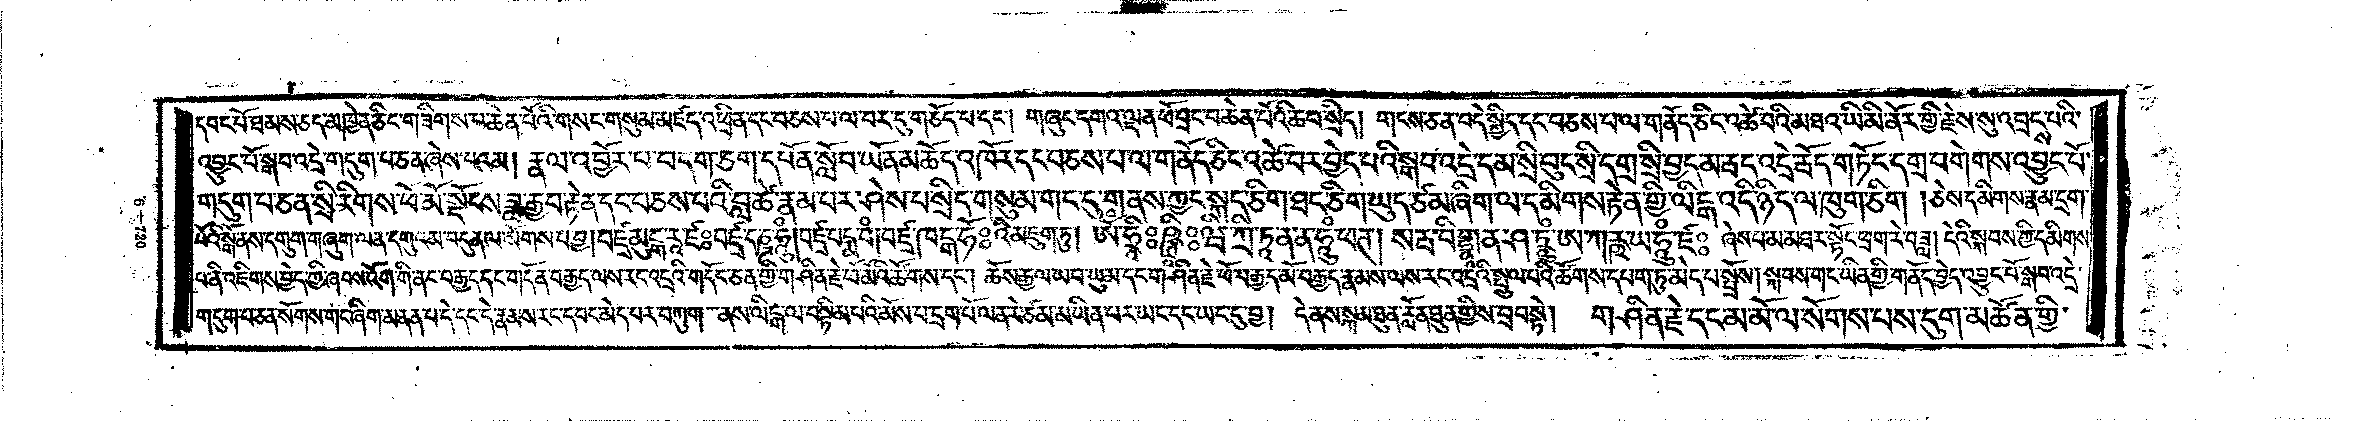དབང་པོ་ཐམས་ཅད་མཁྱེན་ཅིང་གཟིགས་པ་ཆེན་པོའི་གསང་གསུམ་མཛད་འཕྲིན་དང་བཅས་པ་ལ་བར་དུ་གཅོད་པ་དང་། གཞུང་དགའ་ལྡན་ཕོ་བྲང་བ་ཆེན་པོའི་ཆབ་སྲིད། གངས་ཅན་བདེ་སྐྱིད་དང་བཅས་པ་ལ་གནོད་ཅིང་འཚེ་བའི་མཐའ་ཡི་མི་ནོར་གྱི་རྗེས་སུ་འབྲངས་པའི་
འབྱུང་པོ་སྒབ་འདྲེ་གདུག་པ་ཅན་ཞེས་པའམ། རྣལ་འབྱོར་པ་བདག་ཅག་དཔོན་སློབ་ཡོན་མཆོད་འཁོར་དང་བཅས་པ་ལ་གནོད་ཅིང་འཚེ་བར་བྱེད་པའི་སྒབ་འདྲེ་དམ་སྲི་བུང་སྲི་དགྲ་སྲི་བྱད་མ་རྦད་འདྲེ་བྲོད་གཏོང་དགྲ་བགེགས་འབྱུང་པོ་
གདུག་པ་ཅན་སྲི་རིགས་ཕོ་མོ་སྡོངས་ཟླ་རྒྱབ་རྟེན་དང་བཅས་པའི་བླ་ཚེ་རྣམ་པར་ཤེས་པ་སྲིད་གསུམ་གང་དུ་གནས་ཀྱང་སྐད་ཅིག་ཐང་ཅིག་ཡུད་ཙམ་ཞིག་ལ་དམིགས་རྟེན་གྱི་ལིངྒ་འདི་ཉིད་ལ་ཁུག་ཅིག །ཅེས་དམིགས་རྣམ་དྲག་
པོའི་སྒོ་ནས་དགུག་གཞུག་ལན་དགུའམ་བདུན་ལ་སོགས་པ་བྱ། བཛྲ་མུངྒ་རཱ་ཛཿ བཛྲ་དཎྜ་ཧཱུཾ། བཛྲ་པདམ་བཾ། བཛྲ་ཁངྒ་ཧོཿའི་མཇུག་ཏུ། ཨོཾ་ཧྲཱིཿཥྚྲཱིཿཝི་ཀྲི་ཏཱ་ན་ན་ཧཱུཾ་ཕཊ། སརྦ་བིགྷྣཱན་ཤ་ཏྲཱུཾ་ཨ་ཀརྵ་ཡ་ཧཱུཾ་ཛཿ ཞེས་པ་མ་མཐར་སྟོང་ཕྲག་རེ་བཟླ། དེའི་སྐབས་ཀྱི་དམིགས་
བ་ནི་འཇིགས་བྱེད་ཀྱི་ཞབས་འོག་གི་ནང་བརྒྱད་དྲང་གདོན་བརྒྱད་ལས་རང་འདྲའི་གདོང་ཅན་གྱི་གཤིན་རྗེ་ཕོ་མོའི་ཚོགས་དང་། ཆོས་རྒྱལ་ཡབ་ཡུམ་དང་གཤིན་རྗེ་ཕོ་བརྒྱད་མོ་བརྒྱད་རྣམས་ལས་རང་འདྲའི་སྤྲུལ་པའི་ཚོགས་དཔག་ཏུ་མེད་པ་སྤྲོས། སྐབས་གང་ཡིན་གྱི་གནོད་བྱེད་འབྱུང་པོ་སྒབ་འདྲེ་
གདུག་པ་ཅན་སོགས་གང་ཞིག་མནན་པ་དེ་དང་དེ་རྣམས་རང་དབང་མེད་པར་བཀུག་ནས་ལིངྒ་ལ་བསྟིམ་པའི་མོས་པ་དྲག་པོ་ལན་རེ་ཙམ་མ་ཡིན་པར་ཡང་དང་ཡང་དུ་བྱ། དེ་ནས་སྐམ་ཐུན་རློན་ཐུན་གྱི་བྲབ་སྟེ། གཤིན་རྗེ་དང་མ་མོ་ལ་སོགས་པས་དུག་མཚོན་གྱི་